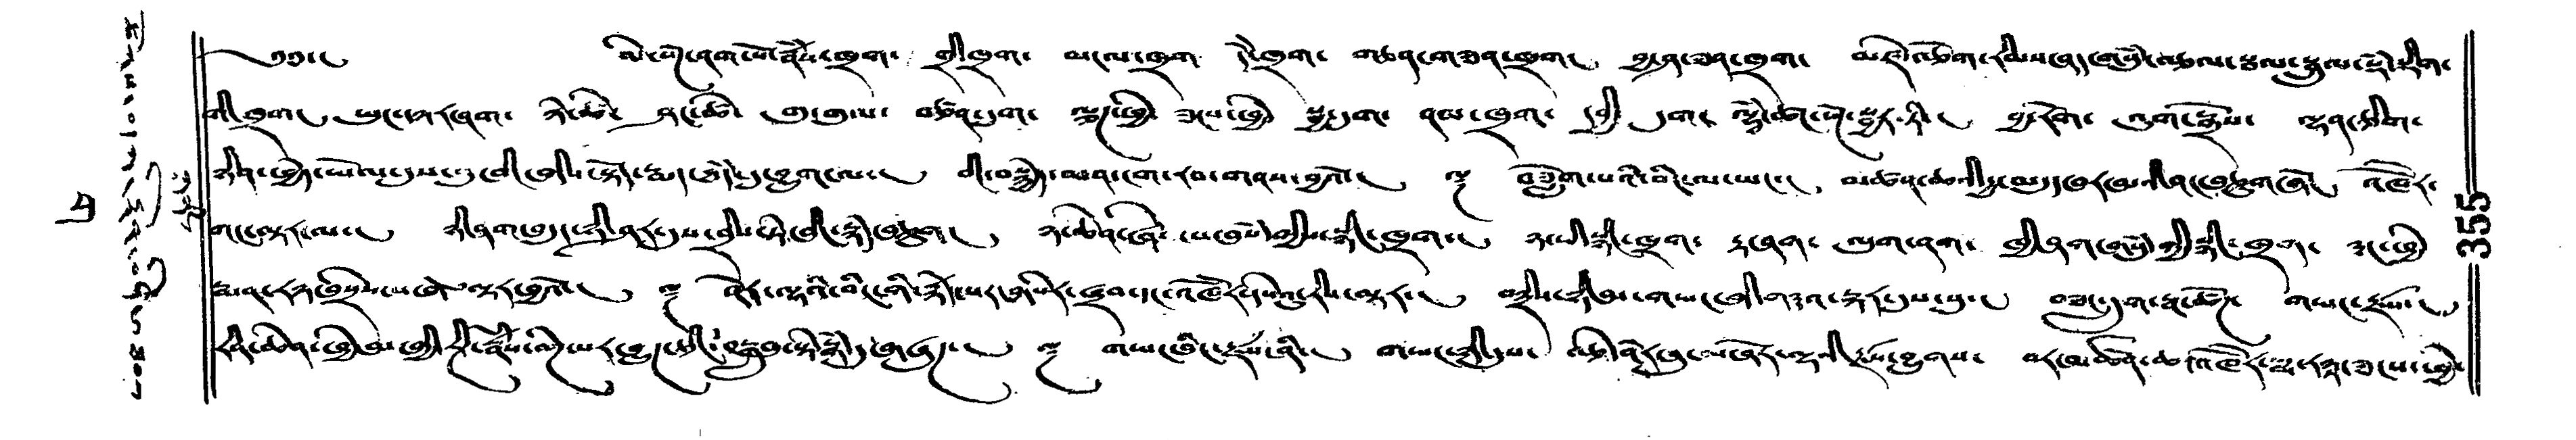མེ་སོགས་ནག་པོ་རྣམས་ཁྲག གྲི་ཁྲག མངལ་ཁྲག གཅན་གཟན་ཁྲག བྱ་ཤ་ཟན་ཁྲག མཛེ་བཙོག་རིམས་ནད་གསུམ། རྩངས་སྦལ་སྦྲུལ་སྡོམ་སྡིག་
གི་ཁྲག ཡུངས་དཀར་ནག ཀེ་ཚེ། ཤང་ཚེ། གུ་གུལ། བཙན་དུག ལྕགས་ཕྱེ། ཟངས་ཕྱེ། སྦྱར་དུག ནལ་ཁྲག དབྱི་དུག ལྷྭམ་ཚང་སོགས་སྦྱར་ཏེ། བྱ་རོག འུག་སྒྲོ། ལྷན་ཅིག་
ཉིན་ཕྱེད་ཡོལ་དུས་སུ་བིང་གི་སྟོད་སྨད་ཐམས་ཅད་དུ་བྱུགས་ལ། བིང་བསྐྱེད་མན་ངག་རབ་གནས་བྱའོ། ༈ བཟློག་པའི་བིང་ལ་ཡང་། མཚོན་ཆའི་རྒྱ་མདུད་བར་མའི་ནང་བཅུག་གོ འཁོར་ལོ་
གོང་ལྟར་ལ། ཉི་ནག་བདུད་ཉི་ཤར་དུས་བྲིས་ཏེ་བིང་སྐེད་བཅུག ཉ་ཆེན་ཞེས་སྲམ་གྱི་སྙིང་ཁྲག ཉ་ཡི་སྙིང་ཁྲག རྟ་ནག ལུག་ནག ཁྱི་ནག་གསུམ་གྱི་སྙིང་ཁྲག ཟངས་ཕྱེ་
སྨན་རཀ་བསྲཻས་པ་གོང་ལྟར་བྱའོ། ༈ ནོར་ལྷའི་བིང་གི་རྐེད་པར་གསེར་ཁྲབ་དང་འཁོར་ལོ་དཔེའུ་རིས་ལྟར། བཀྲ་ཤིས་ཉི་མ་གཡང་གི་གཟའ་སྐར་དུས་སུ། བཟང་དྲུག་སྣ་ཚོགས། གཡང་རྫས་
རིན་ཆེན་ཕྱེ་མའི་རིགས་རྣམས་ལེགས་པར་བྱུག་ཅིང་བསྒྲུབ་སྟེ་སྒམ་དུ་གཞུག ༈ གཡང་བིང་རྫས་ནི། གཡང་ཉི་དུས། རྩེ་ནོར་བུ་ལ་ནོར་ལྷའི་རྫས་བྱུགས། བར་མཚོན་ཆ་འཁོར་ལོར་སྨན་རཀྟ་ཟངས་ཕྱེ་